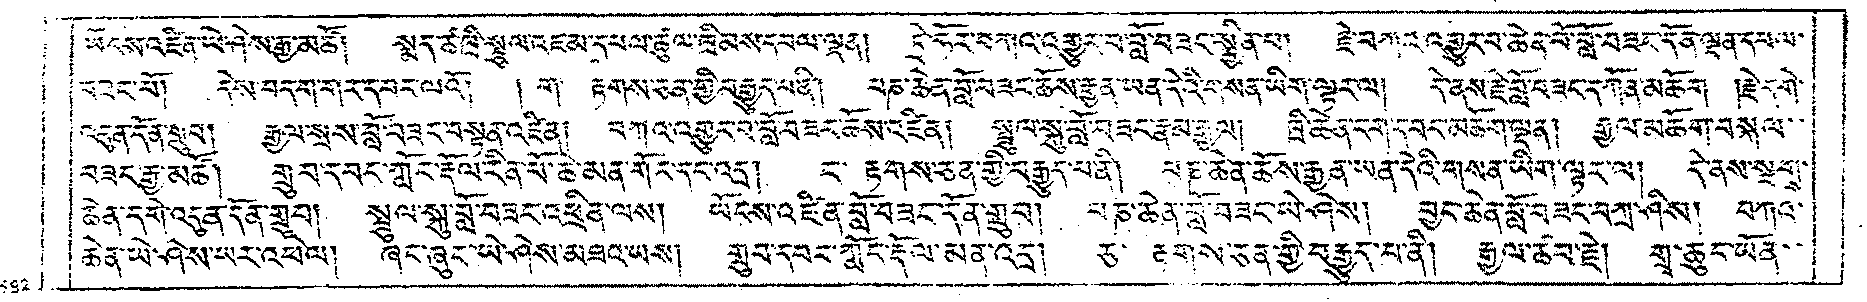ཡོངས་འཛིན་ཡེ་ཤེས་རྒྱ་མཚོ། སྨད་ཚ་ཁྲི་སྤྲུལ་འཇམ་དཔལ་ཚུལ་ཁྲིམས་དཔལ་ལྡན། ཏྲེ་ཧོར་བཀའ་འགྱུར་བ་བློ་བཟང་སྦྱིན་པ། རྗེ་བཀའ་འགྱུར་བ་ཆེན་པོ་བློ་བཟང་དོན་ལྡན་དཔལ་
བཟང་པོ། དེས་བདག་གར་དབང་ལའོ། །ག་རྟགས་ཅན་གྱི་བརྒྱུད་པ་ནི། པཎ་ཆེན་བློ་བཟང་ཆོས་རྒྱན་ཡན་དེའི་གསན་ཡིག་ལྟར་ལ། དེ་ནས་རྗེ་བློ་བཟང་དཀོན་མཆོག །རྗེ་དགེ་
འདུན་དོན་གྲུབ། རྒྱལ་སྲས་བློ་བཟང་བསྟན་འཛིན། བཀའ་འགྱུར་བ་བློ་བཟང་ཆོས་འཛིན། སྤྲུལ་སྐུ་བློ་བཟང་རྣམ་རྒྱལ། ཁྲི་ཆེན་ངག་དབང་མཆོག་ལྡན། རྒྱལ་མཆོག་བསྐལ་
བཟང་རྒྱ་མཚོ། གྲུབ་དབང་ཀློང་རྡོལ་རིན་པོ་ཆེ་མན་གོང་དང་འདྲ། ང་རྟགས་ཅན་གྱི་བརྒྱུད་པ་ནི། པཎ་ཆེན་ཆོས་རྒྱན་ཡན་དེའི་གསན་ཡིག་ལྟར་ལ། དེ་ནས་སྔགས་
ཆེན་དགེ་འདུན་དོན་གྲུབ། སྤྲུལ་སྐུ་བློ་བཟང་འཕྲིན་ལས། ཡོངས་འཛིན་བློ་བཟང་དོན་གྲུབ། པཎ་ཆེན་བློ་བཟང་ཡེ་ཤེས། བྱང་ཆེན་བློ་བཟང་བཀྲ་ཤིས། བཀའ་
ཆེན་ཡེ་ཤེས་ཡར་འཕེལ། ཞང་ཞུང་ཡེ་ཤེས་མཐའ་ཡས། གྲུབ་དབང་ཀློང་རྡོལ་མན་འདྲ། ཅ་རྟགས་ཅན་གྱི་བརྒྱུད་པ་ནི། རྒྱལ་ཚབ་རྗེ། གྲྭ་ཆུང་ཡོན་